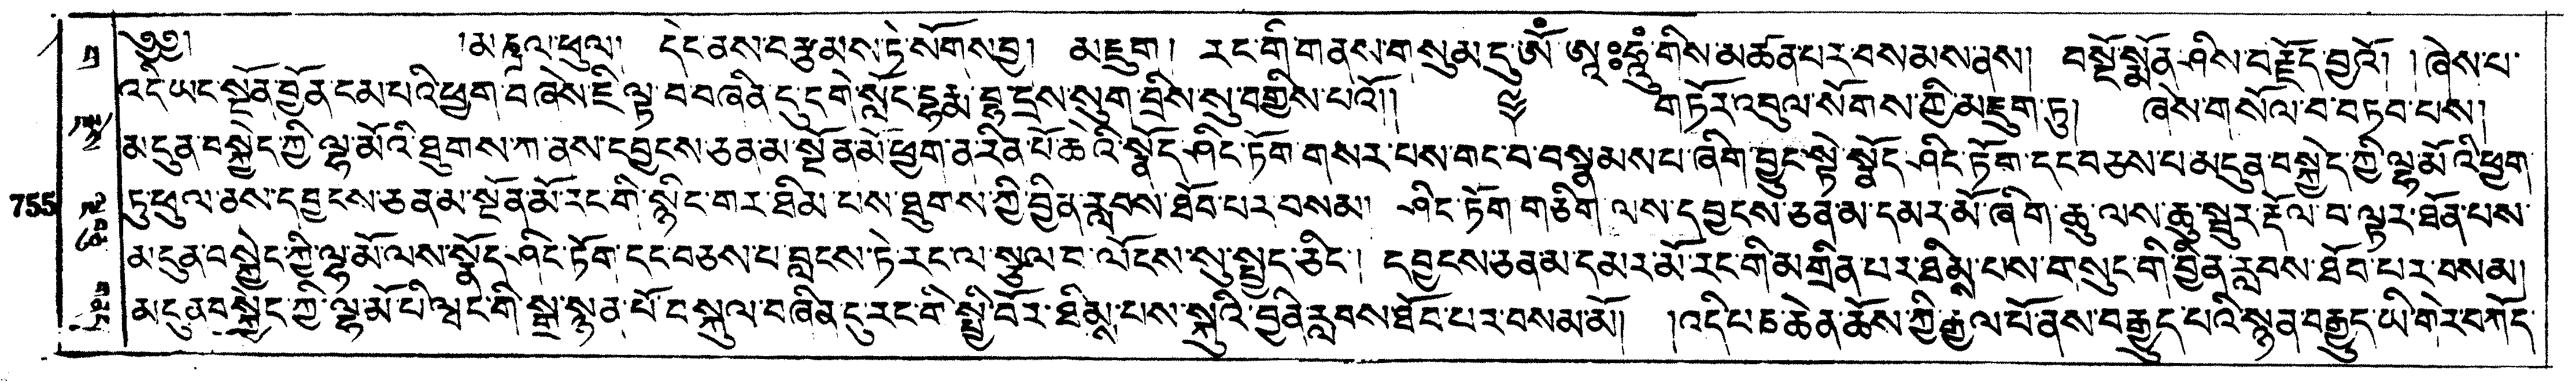མཎྜལ་ཕུལ། དེང་ནས་བརྩམས་ཏེ་སོགས་བྱ། མཇུག། རང་གི་གནས་གསུམ་དུ་ཨོཾ་ཨཱཿ ཧཱུཾ་གིས་མཚན་པར་བསམས་ནས། བསྔོ་སྨོན་ཤིས་བརྗོད་བྱའོ། །ཞེས་པ་
འདི་ཡང་སྔོན་བྱོན་དམ་པའི་ཕྱག་བཞེས་ཇི་ལྟ་བ་བཞིན་དུ་དགེ་སློང་དྷརྨ་བྷ་དྲས་སུག་བྲིས་སུ་བགྱིས་པའོ།། ༈ གཏོར་འབུལ་སོགས་ཀྱི་མཇུག་ཏུ། ཞེས་གསོལ་བ་བཏབ་པས།
མདུན་བསྐྱེད་ཀྱི་ལྷ་མོའི་ཐུགས་ཀ་ནས་དབྱངས་ཅན་མ་སྔོན་མོ་ཕྱག་ན་རིན་པོ་ཆེའི་སྣོད་ཤིང་ཏོག་གསར་པས་གང་བ་བསྣམས་པ་ཞིག་བྱུང་སྟེ་སྣོད་ཤིང་ཏོག་དང་བཅས་པ་མདུན་བསྐྱེད་ཀྱི་ལྷ་མོའི་ཕྱག་
ཏུ་ཕུལ་ནས་དབྱངས་ཅན་མ་སྔོན་མོ་རང་གི་སྙིང་གར་ཐིམ་པས་ཐུགས་ཀྱི་བྱིན་རླབས་ཐོབ་པར་བསམ། ཤིང་ཏོག་གཅིག་ལས་དབྱངས་ཅན་མ་དམར་མོ་ཞིག་ཆུ་ལས་ཆུ་སྦུར་རྡོལ་བ་ལྟར་ཐོན་པས་
མདུན་བསྐྱེད་ཀྱི་ལྷ་མོ་ལས་སྣོད་ཤིང་ཏོག་དང་བཅས་པ་བླངས་ཏེ་རང་ལ་སྩལ་བ་ལོངས་སུ་སྤྱད་ཅིང་། དབྱངས་ཅན་མ་དམར་མོ་རང་གི་མགྲིན་པར་ཐིམས་པས་གསུང་གི་བྱིན་རླབས་ཐོབ་པར་བསམ།
མདུན་བསྐྱེད་ཀྱི་ལྷ་མོ་ཨི་ཝང་གི་སྒྲ་སྙན་པོ་བསྐུལ་བཞིན་དུ་རང་གི་སྤྱི་བོར་ཐིམས་པས་སྐུའི་བྱིན་རླབས་ཐོབ་པར་བསམ་མོ། །འདི་པཎ་ཆེན་ཆོས་ཀྱི་རྒྱལ་པོ་ནས་བརྒྱུད་པའི་སྙན་བརྒྱུད་ཡི་གེར་བཀོད་